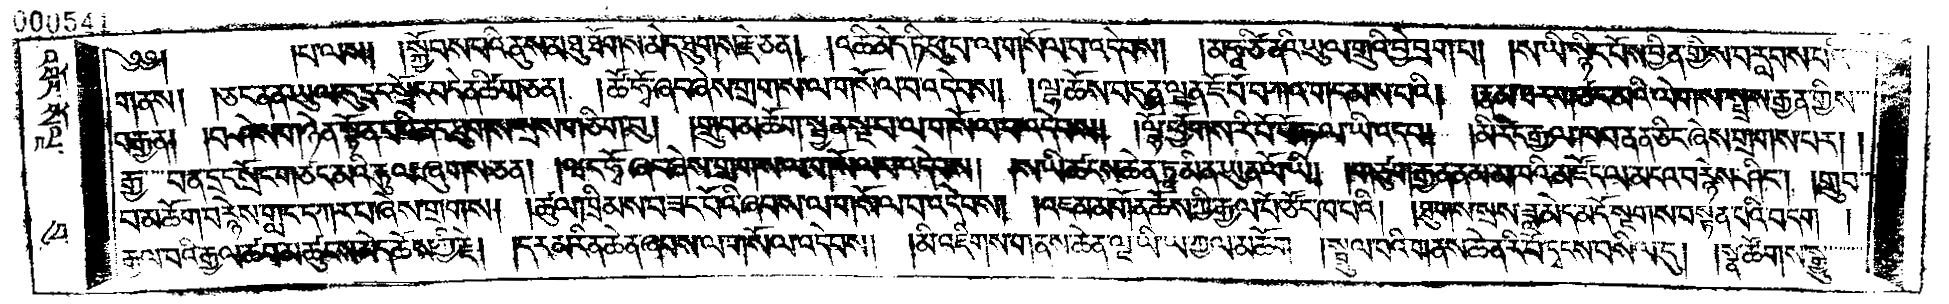༄༅། །པ་ལས། །སྐྱོབས་པའི་ནུས་མཐུ་ཐོགས་མེད་ཐུགས་རྗེ་ཅན། །འཆི་མེད་ཏི་ཕུ་པ་ལ་གསོལ་བ་འདེབས། །མཧཱ་ཙི་ནའི་ཡུལ་གྲུའི་བྱེ་བྲག་པ། །ས་ཡི་སྙིང་པོས་བྱིན་གྱིས་བརླབས་པའི་
གནས༑ ༑ཅང་ནན་ཡུལ་དུ་དྲང་སྲོང་བདེན་ཚིག་ཅན། །ཚོ་ཧྭོ་ཞང་ཞེས་གྲགས་ལ་གསོལ་བ་འདེབས། །ལྷ་ཆོས་བདུན་ལྡན་ཇོ་བོ་བཀའ་གདམས་པའི། །རྣམ་ཐར་གཙང་མའི་ལེགས་སྤྲས་རྒྱན་གྱིས་
བརྒྱན༑ ༑བཤེས་གཉེན་སྟོན་པའི་ནང་ཐུགས་སྲས་གཅིག་བུ། །གྲུབ་མཆོག་སྤྱན་སྔ་པ་ལ་གསོལ་བ་འདེབས། །ལྷོ་ཕྱོགས་རི་བོ་པོ་ཏ་ལ་ཡི་འདབ། །མི་རིང་རྒྱལ་ཁབ་ནན་ཅིང་ཞེས་གྲགས་པར། །
རྒྱ་བན་དྲང་སྲོང་གཙང་མའི་རྟུལ་ཞུགས་ཅན། །ཝང་ཧྭོ་ཞང་ཞེས་གྲགས་ལ་གསོལ་བ་འདེབས། །ས་ཡི་ཚངས་ཆེན་ཏཱ་མིན་ཡུན་ལོ་ཡི། །གཙུག་རྒྱན་ནམ་མཁའི་མཛོད་ལ་མངའ་བརྙེས་ཤིང་། །གྲུབ་
པ་མཆོག་བརྙེས་གླང་དཀར་པ་ཞེས་གྲགས། །ཚུལ་ཁྲིམས་བཟང་པོའི་ཞབས་ལ་གསོལ་བ་འདེབས། །འཇམ་མགོན་ཆོས་ཀྱི་རྒྱལ་པོ་ཙོང་ཁ་པའི། །ཐུགས་སྲས་ཟླ་མེད་མདོ་སྔགས་བསྟན་པའི་བདག །
རྒྱལ་བའི་རྒྱལ་ཚབ་མཚུངས་མེད་ཆོས་ཀྱི་རྗེ། །དར་མ་རིན་ཆེན་ཞབས་ལ་གསོལ་འདེབས། །མི་འཇིགས་གནས་ཆེན་ལྔ་ཡི་ཡ་ཀྱལ་མཆོག །སྤྲུལ་བའི་གནས་ཆེན་རི་བོ་དྭངས་བསིལ་དུ། །སྣ་ཚོགས་སྒྱུ་